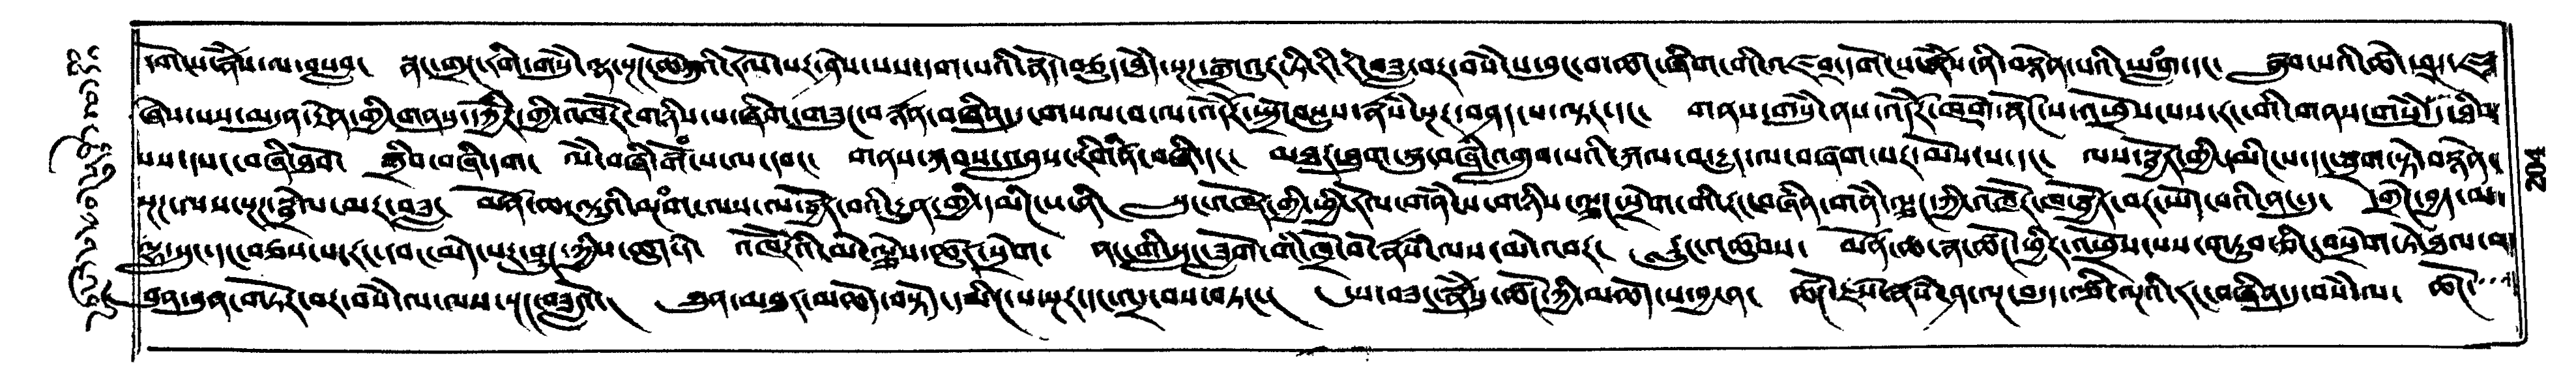དགོངས་རྣམས་ལ་བསླབ། སྣང་གྲགས་རིག་གསུམ་ལྷ་སྔགས་ཆོས་སྐུའི་རོལ་པར་ཤེས་པས་དག་པའི་སྣོད་བཅུད་ཐམས་ཅད་སྔགས་སྒྲ་འུར་ཏི་རི་རི་བཟླ་བར་བསམ་པ་བུང་བ་ཚང་ཞིག་གི་འཛབ་དགོངས་རྣམས་ནི་བསྙེན་པའི་ཡན་ལག་དང་། སྒྲུབ་པའི་ཚེ་ཕཊ་ཛཿ 
ཞེས་པས་མདུན་རྟེན་གྱི་གནས་སུ་དཀྱིལ་འཀོར་གྱི་འཁོར་ལོ་གཉིས་པ་ཞིག་གཟུགས་བརྙན་བཞིན་དུ་གསལ་བ་ལ་འོད་ཟེར་སྤྲོ་བསྡུ་རྣམས་སྔར་བཤད་པ་ལྟར་དང་། །གནས་གསུམ་ནས་འོད་ཟེར་ཁ་དོག་སྣ་ཚོགས་པ་འཕྲོས་པས་རང་གི་གནས་གསུམ་དུ་ཐིམ་
པས་དབང་བཞི་ཐོབ། སྒྲིབ་བཞི་དག། ལམ་བཞི་སྒོམ་པ་ལ་དབང་། གནས་སྐབས་འབྲས་བུ་རིག་འཛིན་བཞི་དང་། མཐར་ཐུག་སྐུ་བཞི་འགྲུབ་པའི་སྐལ་བ་རྒྱུད་ལ་བཞག་པར་མོས་པ་དང་། ལས་སྦྱོར་གྱི་དམིགས་པ་དང་སྦྲགས་སྟེ་བསྙེན་
སྔགས་ལས་སྔགས་སྦྲེལ་མར་བཟླ། མཚོན་ཆ་ལྟ་བུའི་མན་ངག་ལས་ལ་སྦྱོར་བའི་རྒྱུན་གྱི་དམིགས་པ་ནི། སྲུང་འཁོར་གྱི་ཕྱི་རོལ་གནམ་ས་གཉིས་ལྕགས་སྲེག་གི་རང་བཞིན་གནམ་ལྕགས་ཀྱི་འཁོར་ལོ་ཁ་སྦྱོར་བར་ཡོད་བའི་ནང་དུ། དགྲ་གེགས་བྱད་མ་
ལྷ་སྲུང་དང་བཅས་པ་རང་དབང་མེད་པར་ཤུགས་ཀྱིས་ཚུད་དེ། འཁོར་ལོའི་མེ་ལྕེས་ཚུར་སྲེག། ནང་གི་སྲུང་ཟློག་གི་ཁྲོ་བོ་རྣམས་ལས་མེ་འབར། རླུང་འཚུབས། མཚོན་ཆ་སྣ་ཚོགས་ཕྱིར་འཕྲོས་པས་གཏུབ་ཅིང་བསྲེགས་ཏེ་ཐལ་བ་
བུན་བུན་གཏོར་བར་བསམ་ལ་ལས་སྔགས་བཟླའོ།། ཐུན་མཐར་མཆོད་བསྟོད་དམིགས་པ་སྔར་དང་འདྲ་བས་བཏང་། དུས་བཟང་རྣམས་སུ་ཚོགས་ཀྱི་མཆོད་པ་བྱ་ན། ཚོགས་རྫས་རྣམས་ཤ་ལྔ་བདུད་རྩི་ལྔ་ཡི་རང་བཞིན་དུ་བསམ་ལ། ཚོགས་